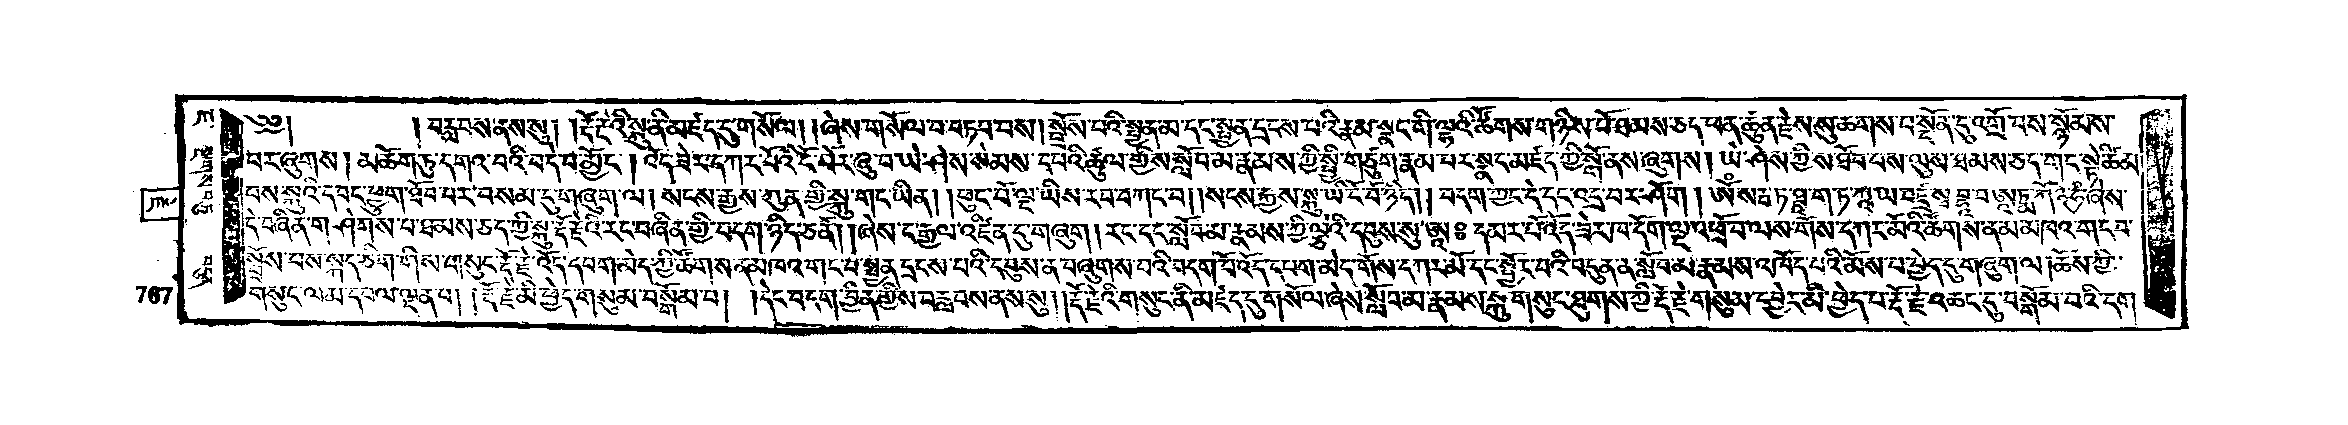༄༅། །བརླབས་ནས་སུ། །རྡོ་རྗེའི་སྐུ་ནི་མཛད་དུ་གསོལ། །ཞེས་གསོལ་བ་བཏབ་པས། སྤྲོས་པའི་སྤྱན་མ་དང་སྤྱན་དྲངས་པའི་རྣམ་སྣང་གི་ལྷའི་ཚོགས་གཉིས་པོ་ཐམས་ཅད་ཕན་ཚུན་རྗེས་སུ་ཆགས་པ་སྔོན་དུ་འགྲོ་བས་སྙོམས་
པར་ཞུགས། མཆོག་ཏུ་དགའ་བའི་བདེ་བ་མྱོང་། འོད་ཟེར་དཀར་པོའི་ངོ་བོར་ཞུ་བ་ཡེ་ཤེས་སེམས་དཔའི་ཚུལ་གྱིས་སློབ་མ་རྣམས་ཀྱི་སྤྱི་གཙུག་རྣམ་པར་སྣང་མཛད་ཀྱི་སྒོ་ནས་ཞུགས། ཡེ་ཤེས་ཀྱི་ས་ཐོབ་པས་ལུས་ཐམས་ཅད་གང་སྟེ་ཚིམ་
པས་སྐུའི་དབང་ཕྱུག་ཐོབ་པར་བསམ་དུ་གཞུག་ལ། སངས་རྒྱས་ཀུན་གྱི་སྐུ་གང་ཡིན། །ཕུང་པོ་ལྔ་ཡིས་རབ་བཀང་བ། །སངས་རྒྱས་སྐུ་ཡི་ངོ་བོ་ཉིད། །བདག་ཀྱང་དེ་དང་འདྲ་བར་ཤོག །ཨོཾ་སརྦ་ཏ་ཐའ་ག་ཏ་ཀཱ་ཡ་བཛྲ་སྭ་བྷཱ་བ་ཨཱཏམ་ཀོ་ཉཧཾ་ཞེས་
དེ་བཤིན་གཤེགས་པ་ཐམས་ཅད་ཀྱི་སྐུ་རྡོ་རྗེའི་རང་བཞིན་གྱི་བདག་ཉིད་ཅན་ནོ། །ཞེས་ང་རྒྱལ་འཛིན་དུ་གཞུག །རང་དང་སློབ་མ་རྣམས་ཀྱི་ལྕེའི་དབུས་སུ་ཨཱཿ དམར་པོ་འོད་ཟེར་ཁ་དོག་ལྔ་འཕྲོ་བ་ལས་གོས་དཀར་མོའི་ཚོགས་ནམ་མཁའ་གང་བ་
སྤྲོས་པས་སྐད་ཅིག་གིས་གསུང་རྡོ་རྗེ་འོད་དཔག་མེད་ཀྱི་ཚོགས་ནམ་མཁའ་གང་བ་སྤྱན་དྲངས་པའི་དབུས་ན་བཞུགས་པའི་བདག་པོའི་འོད་དཔག་མེད་གོས་དཀར་མོ་དང་སྦྱོར་བའི་བདུན་ན་སློབ་མ་རྣམས་འཁོད་པའི་མོས་པ་བྱེད་དུ་གཞུག་ལ། ཆོས་ཀྱིས་
གསུང་ལམ་དཔལ་ལྡན་པ། །རྡོ་རྗེ་མི་ཕྱེད་གསུམ་བསྒོམ་པ། །དེང་བདག་བྱིན་གྱིས་བརླབས་ནས་སུ། །རྡོ་རྗེའི་གསུང་ནི་མཛད་དུ་གསོལ་ཞེས་སློབ་མ་རྣམས་སུ་གསུང་ཐུགས་ཀྱི་རྡོ་རྗེ་གསུམ་དབྱེར་མི་ཕྱེད་པ་རྡོ་རྗེ་འཆང་དུ་བསྒོམ་པའི་དག་